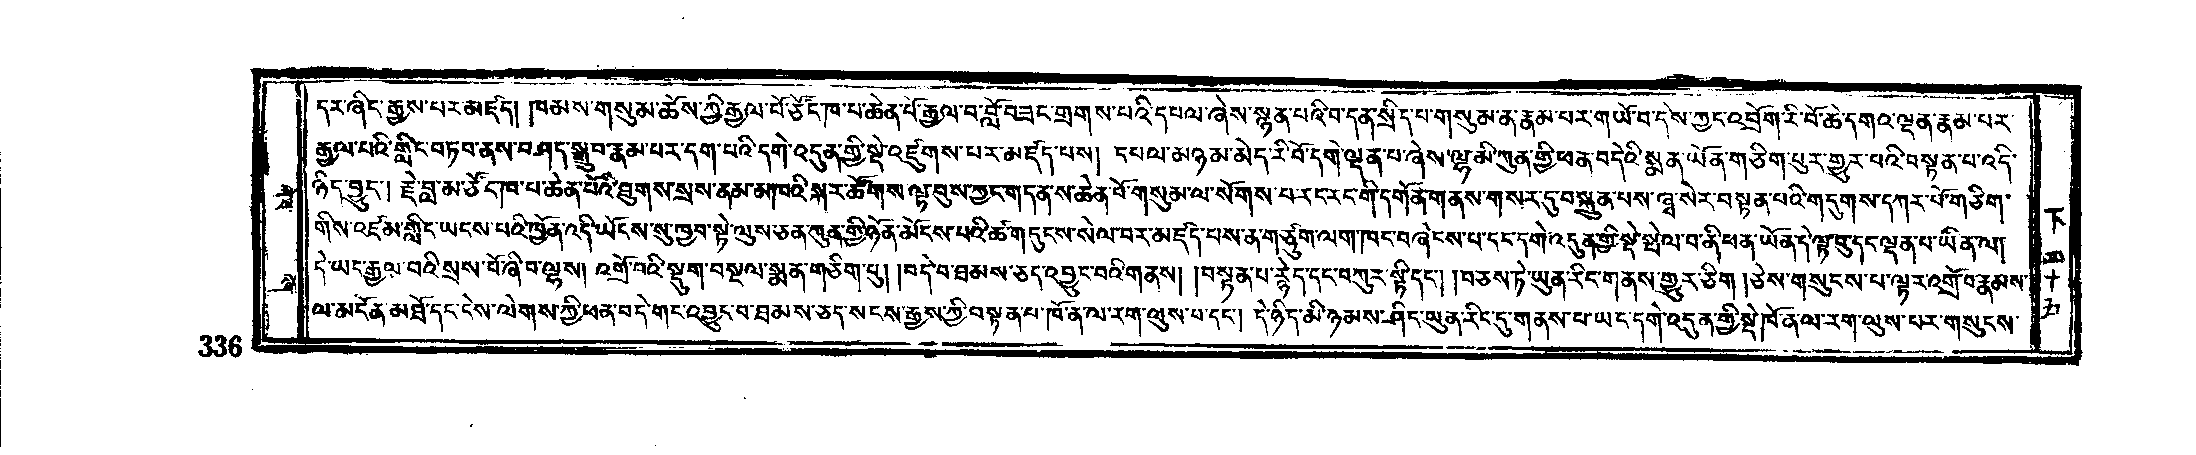དར་ཞིང་རྒྱས་པར་མཛད། ཁམས་གསུམ་ཆོས་ཀྱི་རྒྱལ་པོ་ཙོང་ཁ་པ་ཆེན་པོ་རྒྱལ་བ་བློ་བཟང་གྲགས་པའི་དཔལ་ཞེས་སྙན་པའི་བ་དན་སྲིད་པ་གསུམ་ན་རྣམ་པར་གཡོ་བ་དེས་ཀྱང་འབྲོག་རི་བོ་ཆེ་དགའ་ལྡན་རྣམ་པར་
རྒྱལ་པའི་གླིང་བཏབ་ནས་བཤད་སྒྲུབ་རྣམ་པར་དག་པའི་དགེ་འདུན་གྱི་སྡེ་འཛུགས་པར་མཛད་པས། དཔལ་མཉམ་མེད་རི་བོ་དགེ་ལྡན་པ་ཞེས་ལྷ་མི་ཀུན་གྱི་ཕན་བདེའི་སྨན་ཡོན་གཅིག་པུར་གྱུར་པའི་བསྟན་པ་འདི་
ཉིད་བྱུང་། རྗེ་བླ་མ་ཙོང་ཁ་པ་ཆེན་པོའི་ཐུགས་སྲས་ནམ་མཁའི་སྐར་ཚོགས་ལྟ་བུས་ཀྱང་གདན་ས་ཆེན་པོ་གསུམ་ལ་སོགས་པ་རང་རང་གི་དགོན་གནས་གསར་དུ་བསྐྲུན་པས་ཞྭ་སེར་བསྟན་པའི་གདུགས་དཀར་པོ་གཅིག་
གིས་འཛམ་གླིང་ཡངས་པའི་ཁྱོན་འདི་ཡོངས་སུ་ཁྱབ་སྟེ་ལུས་ཅན་ཀུན་གྱི་ཉོན་མོངས་པའི་ཚ་གདུངས་སེལ་བར་མཛད་པས་ན་གཙུག་ལག་ཁང་བཞེངས་པ་དང་དགེ་འདུན་གྱི་སྡེ་སྤེལ་བ་ནི་ཕན་ཡོན་དེ་ལྟ་བུ་དང་ལྡན་པ་ཡིན་ལ།
དེ་ཡང་རྒྱལ་བའི་སྲས་པོ་ཞི་བ་ལྷས། འགྲོ་བའི་སྡུག་བསྔལ་སྨན་གཅིག་པུ། །བདེ་བ་ཐམས་ཅད་འབྱུང་བའི་གནས། །བསྟན་པ་རྙེད་དང་བཀུར་སྟི་དང་། །བཅས་ཏེ་ཡུན་རིང་གནས་གྱུར་ཅིག །ཅེས་གསུངས་པ་ལྟར་འགྲོ་བ་རྣམས་
ལ་མངོན་མཐོ་དང་ངེས་ལེགས་ཀྱི་ཕན་བདེ་གང་འབྱུང་བ་ཐམས་ཅད་སངས་རྒྱས་ཀྱི་བསྟན་པ་ཁོ་ན་ལ་རག་ལུས་པ་དང་། དེ་ཉིད་མི་ཉམས་ཤིང་ཡུན་རིང་དུ་གནས་པ་ཡང་དགེ་འདུན་གྱི་སྡེ་ཁོ་ན་ལ་རག་ལུས་པར་གསུངས་